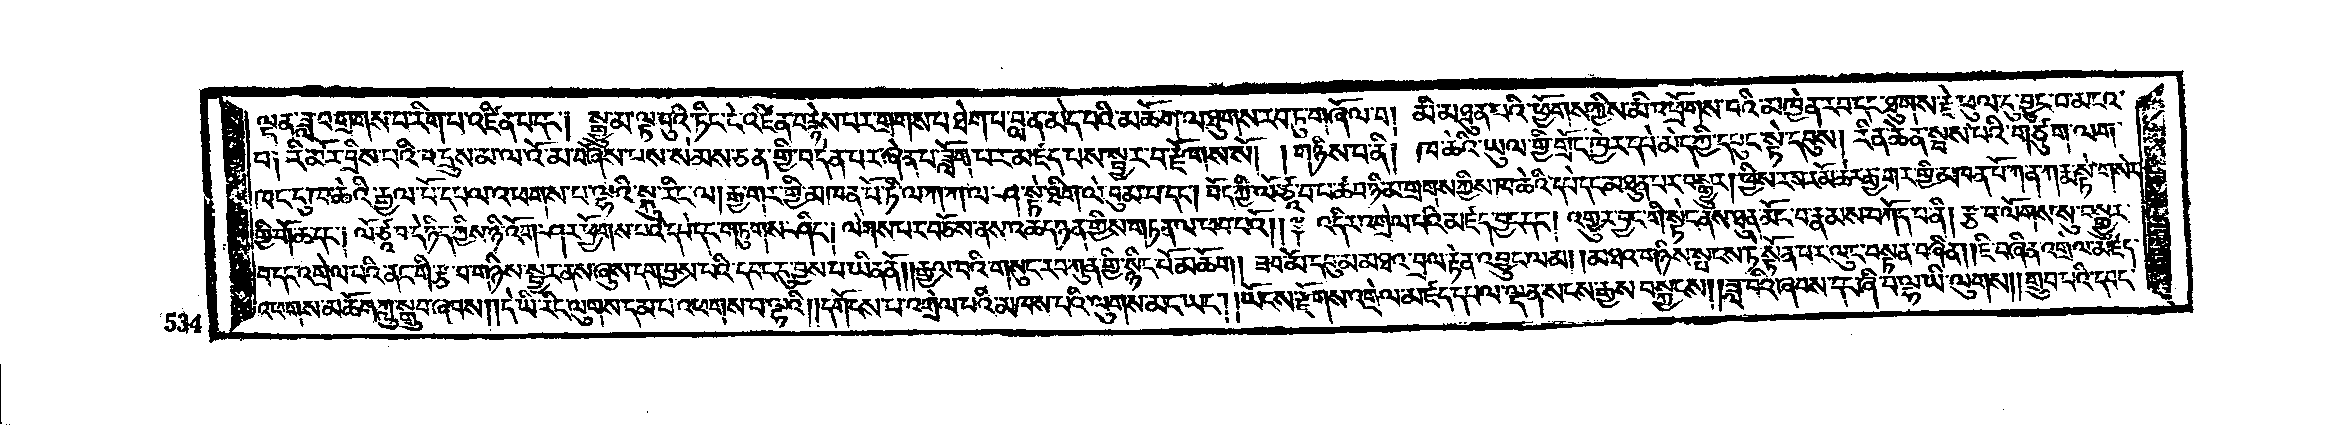ལྡན་ཟླ་བ་གྲགས་པ་རིག་པ་འཛིན་པ་དང་། སྒྱུ་མ་ལྟ་བུའི་ཏིང་ངེ་འཛིན་བརྙེས་པར་གྲགས་པ་ཐེག་པ་བླ་ན་མེད་པའི་མཆོག་ལ་ཐུགས་རང་ཏུ་གཞོལ་བ། མི་མཐུན་པའི་ཕྱོགས་ཀྱིས་མི་འཕྲོགས་པའི་མཁྱེན་རབ་དང་ཐུགས་རྗེ་ཕུལ་དུ་བྱུང་བ་མངའ་
བ། རི་མོར་བྲིས་པའི་པ་དྲུས་མ་ལ་འོ་མ་བཞོས་པས་སེམས་ཅན་གྱི་བདེན་པར་ཞེན་པ་ཟློག་པར་མཛད་པས་སྦྱར་བ་རྫོགས་སོ། །གཉིས་པ་ནི། ཁ་ཆེའི་ཡུལ་གྱི་གྲོང་ཁྱེར་དཔེ་མེད་ཀྱི་དཔུང་སྟེ་དབུས། རིན་ཆེན་སྦས་པའི་གཙུག་ལག་
ཁང་དུ་ཁ་ཆེའི་རྒྱལ་པོ་དཔལ་འཕགས་པ་ལྷའི་སྐུ་རིང་ལ། རྒྱ་གར་གྱི་མཁན་པོ་ཏི་ལ་ཀ་ཀ་ལ་ཤ་སྟེ་ཐིག་ལེ་བུམ་པ་དང་། བོད་ཀྱི་ལོ་ཙཱ་བ་པ་ཚབ་ཉི་མ་གྲགས་ཀྱིས་ཁ་ཆེའི་དཔེ་དང་མཐུན་པར་བསྒྱུར། ཕྱིས་ར་ས་ར་མོ་ཆེར་རྒྱ་གར་གྱི་མཁན་པོ་ཀ་ན་ཀརྨ་སྟེ་གསེར་
གྱི་གོ་ཆ་དང་། ལོ་ཙཱ་བ་དེ་ཉིད་ཀྱིས་ཉི་འོག་ཤར་ཕྱོགས་པའི་དཔེ་དང་གཏུགས་ཤིང་། ལེགས་པར་བཅོས་ནས་འཆད་ཉན་གྱིས་གཏན་ལ་ཕབ་པའོ། །༈ འདིར་འགྲེལ་པའི་མཛད་བྱང་དང་། འགྱུར་བྱང་གི་སྟེང་ནས་ཐུན་མོང་བ་རྣམས་བཀོད་པ་ནི། རྩ་བ་ལོགས་སུ་བསྒྱུར་
བ་དང་འགྲེལ་པའི་ནང་གི་རྩ་བ་གཉིས་སྦྱར་ནས་ཞུས་དག་བྱས་པའི་དབང་དུ་བྱས་པ་ཡིན་ནོ། །རྒྱལ་བའི་གསུང་རབ་ཀུན་གྱི་སྙིང་པོ་མཆོག །ཟབ་མོ་དབུ་མ་མཐའ་བྲལ་རྟེན་འབྱུང་ལམ། །མཐའ་གཉིས་སྤངས་ཏེ་སྟོན་པར་ལུང་བསྟན་བཞིན། །ཇི་བཞིན་འགྲེལ་མཛད་
འཕགས་མཆོག་ཀླུ་སྒྲུབ་ཞབས། །དེ་ཡི་རིང་ལུགས་དམ་པ་འཕགས་པ་ལྷའི། །དགོངས་པ་འགྲེལ་བའི་མཁས་པའི་ལུགས་མང་ཡང་། །ཡོངས་རྫོགས་འགྲེལ་མཛད་དཔལ་ལྡན་སངས་རྒྱས་བསྐྱངས། །ཟླ་བའི་ཞབས་དང་ཞི་བ་ལྷ་ཡི་ལུགས། །གྲུབ་པའི་དབང་